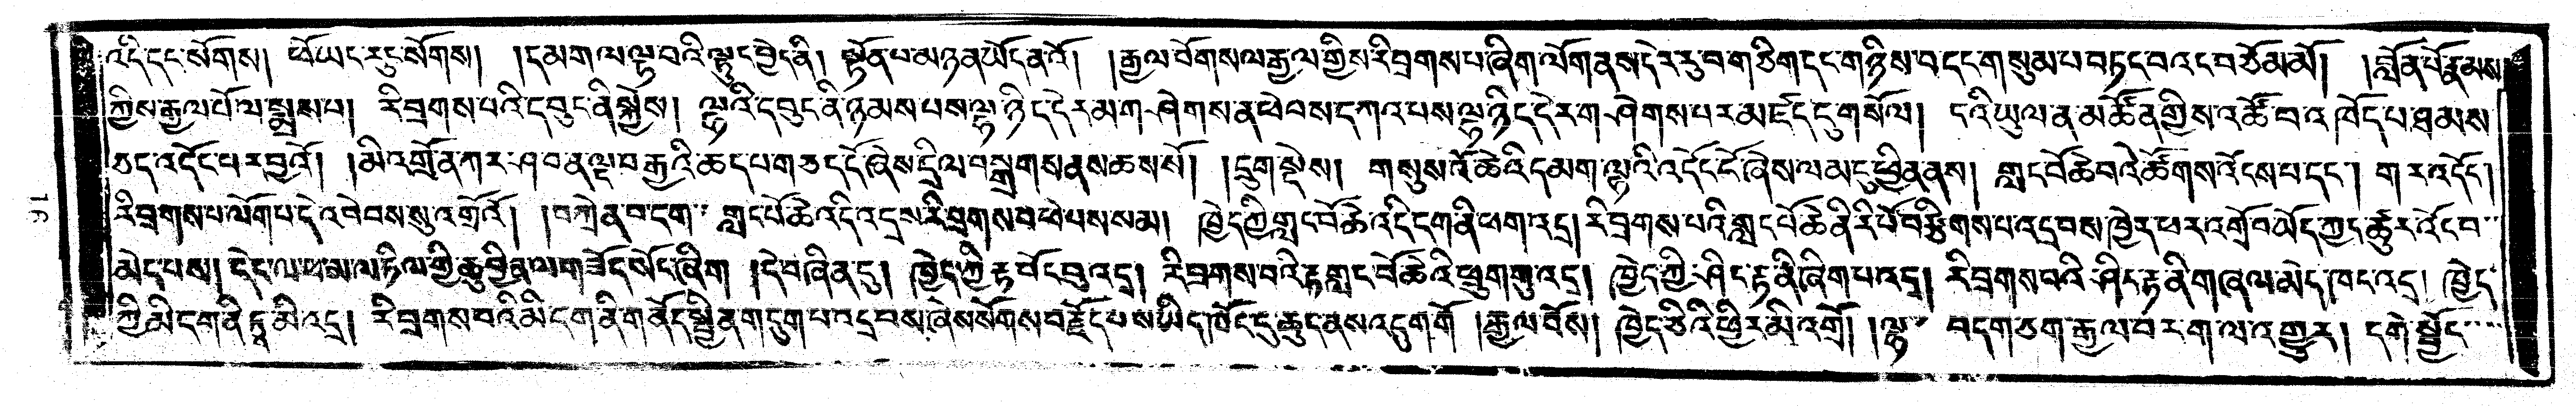འདི་དང་སོགས། ཕོ་ཡང་རུང་སོགས། །དམག་ལ་ལྟ་བའི་ལྟུང་བྱེད་ནི། སྟོན་པ་མཉན་ཡོད་ནའོ། །རྒྱལ་པོ་གསལ་རྒྱལ་གྱིས་རི་བྲགས་པ་ཞིག་ལོ་གནས་དེར་རུ་བ་གཅིག་དང་གཉིས་བ་དང་གསུམ་པ་བཏང་བའང་བཅོམ་མོ། །བློན་པོ་རྣམས་
ཀྱིས་རྒྱལ་པོ་ལ་སྨྲས་པ། རི་བྲགས་པའི་དབུང་ནི་སྐྱེས། ལྷའི་དབུང་ནི་ཉམས་པས་ལྷ་ཉིད་དེར་མ་གཤེགས་ན་ཕེབས་དཀའ་པས་ལྷ་ཉིད་དེར་གཤེགས་པར་མཛད་དུ་གསོལ། ངའི་ཡུལ་ན་མཚོན་གྱིས་འཚོ་བ་འཁོད་པ་ཐམས་
ཅད་འདོད་པར་བྱའོ། །མི་འགྲོ་ན་དཀར་ཤ་བ་ན་ལྔ་བརྒྱའི་ཆད་པ་གཅད་དོ་ཞེས་དྲིལ་བསྒྲགས་ནས་ཆས་སོ། །དྲུག་སྡེས། གསུས་འོ་ཆེའི་དམག་ལྷའི་འདོད་དོ་ཞེས་ལམ་དུ་ཕྱིན་ནས། གླང་པོ་ཆེ་བའི་ཚོགས་འོངས་པ་དང་། གར་འདོད།
རི་བྲགས་པ་ལོག་པ་དེ་འབེབས་སུ་འགྲོའོ། །བཀྲེན་བ་དག་གླང་པོ་ཆེ་འདི་འདྲས་རི་བྲགས་པ་ཕེབས་སམ། ཁྱེད་ཀྱི་གླང་པོ་ཆེ་འདི་དག་ནི་ཕག་འདྲ། རི་བྲགས་པའི་གླང་པོ་ཆེ་ནི་རི་བོ་བརྩིགས་པ་འདྲ་བས་ཁྱེར་ཕར་འགྲོ་བ་ཡོད་ཀྱང་ཚུར་འོང་བ་
མེད་པས། དེང་ལ་ཕ་མ་ལ་ཏིལ་གྱི་ཆུ་བྱིན་ལ་གཟོད་སོང་ཞིག །དེ་བཞིན་དུ། ཁྱེད་ཀྱི་རྟ་བོང་བུ་འདངས། རི་བྲགས་པའི་རཏ་གླང་པོ་ཆེའི་ཕྲུག་གུ་འདྲ། ཁྱེད་ཀྱི་ཤིང་རྟ་ནི་ཞིག་པ་འདྲ། རི་བྲགས་པའི་ཤིང་རྟ་ནི་གཞལ་མེད་ཁང་འདྲ། ཁྱེད་
ཀྱི་མི་དག་ནི་ཏཱ་མི་འདྲ། རི་བྲགས་པའི་མི་དག་ནི་གནོད་སྦྱིན་གདུག་པ་འདྲ་བས་ཞེས་སོགས་བརྗོད་པས་ཡིད་ཁོང་དུ་ཆུད་ནས་འདུག་གོ །རྒྱལ་པོས། ཁྱེད་ཅིའི་ཕྱིར་མི་འགྲོ། །ལྷ་བདག་ཅག་རྒྱལ་བར་ག་ལ་འགྱུར། དགེ་སྦྱོང་